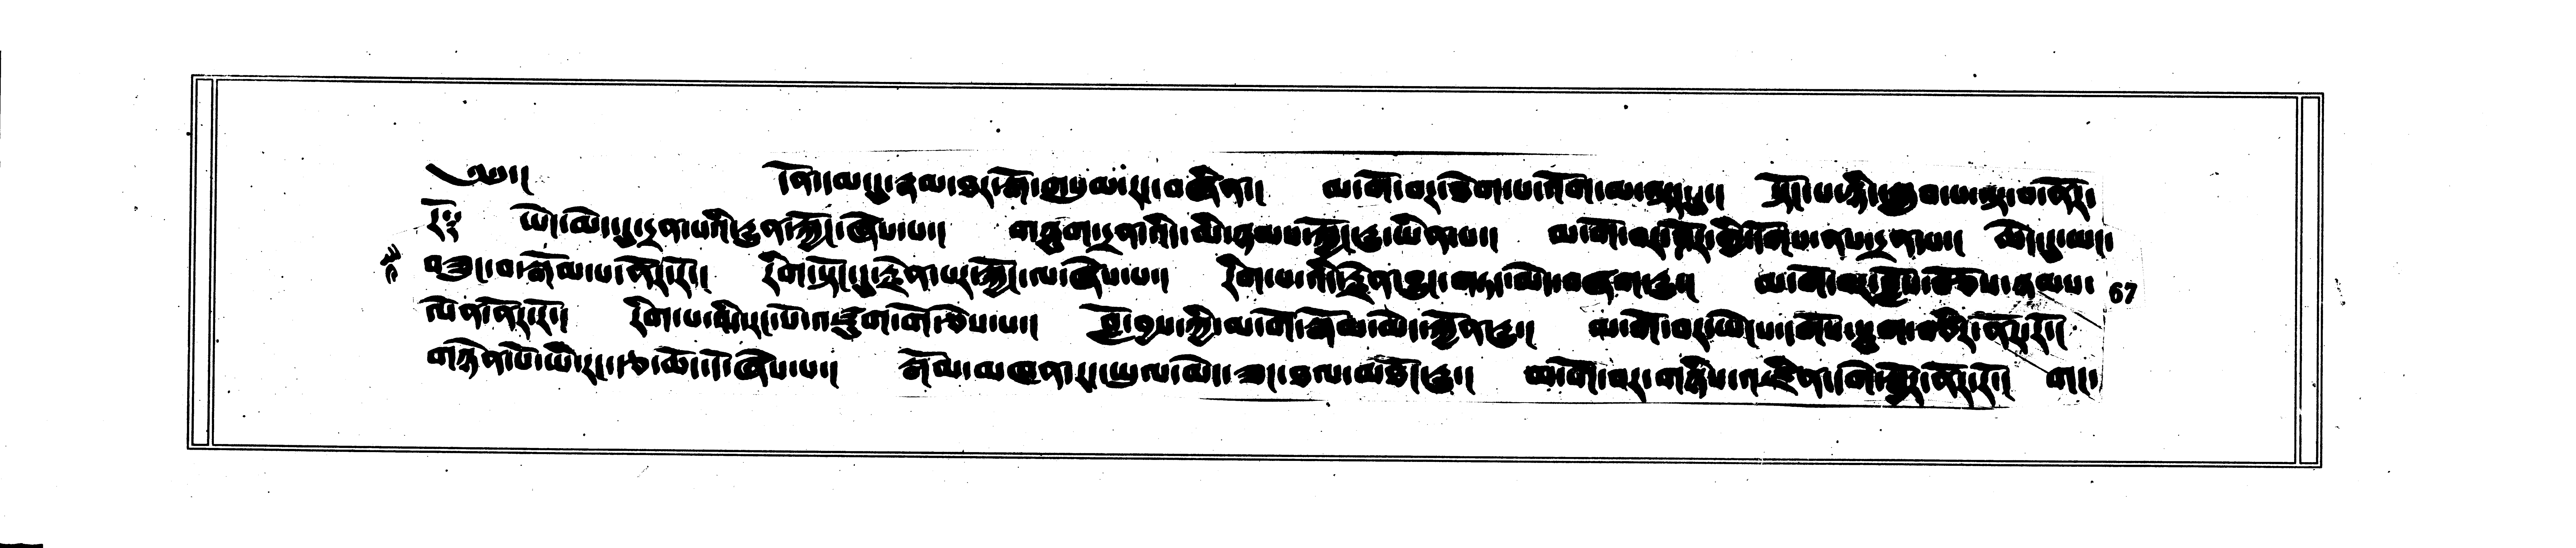དོན་དམ་དུ་རྣམ་ཐར་སྒོ་གསུམ་རང་བཞིན། །མ་གོ་བར་ཐེག་པ་འོག་མ་ལྟར་དུ། །སྟོང་པ་ཉིད་སྒྲུབ་པ་ལྟ་བ་ནོར་
རོ། །ཡེངས་མེད་དུ་དྲན་པའི་རྒྱུན་སྐྱོང་ཞེས་པ། །གཉུག་དྲན་འདི་མི་ཉམས་སྐྱོང་རྒྱུ་ཡིན་པ། །མ་གོ་བར་ཤོར་གྱི་དྭོགས་ནས་དྲན་པ། །ཆེད་དུ་ཡང་
བཟུང་བ་སྒོམ་པ་ནོར་རོ། །རིག་སྟོང་དུ་རྗེན་པར་སྐྱོང་ལ་ཞེས་པ། །རིག་པ་འདི་རྗེན་བྱུང་གཏད་མེད་བཞག་རྒྱུ། ། མ་གོ་བར་བློ་བཅོས་ཉམས་
ལེན་ནོར་རོ། །རིག་པ་ཉིད་རང་སོ་འཛུག་གོ་ཅེས་པ། །བློ་བྱས་ཀྱིས་མ་གོ་སྒོམ་མེད་སྐྱོང་རྒྱུ། །མ་གོ་བར་ཡེངས་དགོས་སྡུག་བཙེར་ནོར་རོ། 
།གཉེན་པོ་ཡི་རང་རྩ་ཆོད་དོ་ཞེས་པ། །སྒོམ་མཁན་རང་ཡུལ་མེད་ཟང་ཐལ་མཐོང་རྒྱུ། །མ་གོ་བར་གཉིས་འཛིན་དགེ་སྦྱོར་ནོར་རོ། །གང་